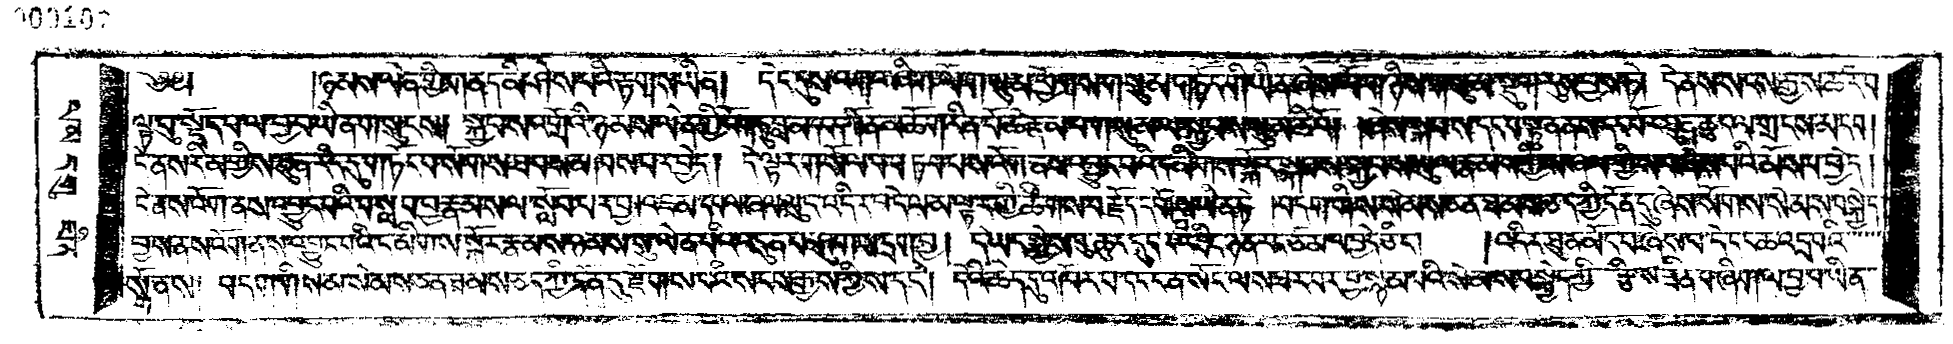༄༅། །ཉམས་ལེན་གྱི་གནད་མི་ཤེས་པའི་རྟགས་ཡིན། དེང་དུས་འགའ་ཞིག་ལོ་གསུམ་ཕྱོགས་གསུམ་གཏོང་གི་ཡིན་ཞེས་ལོ་གཉིས་གསུམ་སྡུག་རུས་བྱས་ཏེ། དེ་ནས་སངས་རྒྱས་ཚར་བ་
ལྟ་བུ་སྡོད་པ་ལ་བྱ་བ་ཡིན་གསུངས། སྐྱབས་འགྲོའི་ཉམས་ལེན་གྱི་འོག་ཏུ་བླ་མ་དང་དཀོན་མཆོག་རིན་པོ་ཆེ་རྣམ་པ་གསུམ་ལ་སྐྱབས་སུ་མཆིའོ། །ཞེས་སྐབས་དང་བསྟུན་ནས་དང་པོར་ཐུན་ཆུང་ལ་གྲངས་མང་བ།
དེ་ནས་རིམ་གྱིས་ཐུན་རིང་དུ་གཏོང་བ་སོགས་ཐབས་མཁས་པར་བྱེད། དེ་ལྟར་གསོལ་བ་བཏབ་པས་འོག་ནས་འབྱུང་བའི་དམིགས་སྐོར་སྐབས་སྐྱབས་ཡུལ་རྣམས་ཀྱིས་ཞལ་གྱིས་བཞེས་པའི་མོས་པ་བྱེད།
དེ་ནས་འོག་ནས་འབྱུང་བའི་བསླབ་བྱ་རྣམས་ལ་སློབ་པར་བྱ། འཇམ་དཔལ་ཞལ་ལུང་འདིར་བདེ་ལམ་ལྟར་གྱི་ཚིགས་བརྗོད་དགོས་པ་ཡིན་ཏེ། བདག་གིས་སེམས་ཅན་ཐམས་ཅད་ཀྱི་དོན་དུ་ཞེས་སོགས་སེམས་བསྐྱེད་
བྱས་ནས་འོག་ནས་འབྱུང་བའི་དམིགས་སྐོར་རྣམས་ཉམས་སུ་ལེན་པའི་འདུན་པ་ཤུགས་དྲག་བྱ། དེ་ཡང་སྐྱེས་བུ་ཆུང་དུ་འབྲིང་ཉན་རང་ཙམ་ལ་བྱེད་ཅིང་། །འདིར་ཐུན་མོང་བ་ཞེས་པ་དེ་དང་ཆ་འདྲ་བའི་
སྒོ་ནས། བདག་གིས་མ་སེམས་ཅན་ཐམས་ཅད་ཀྱི་དོན་དུ་རྫོགས་པའི་སངས་རྒྱས་ཀྱིས་དང་། དེའི་ཆེད་དུ་འཁོར་བ་དང་ངན་སོང་ལས་ཐར་པར་བྱ་སྙམ་པའི་སེམས་བསྐྱེད་ཀྱི་རྩིས་ཟིན་པ་ཞིག་ལ་བྱ་བ་ཡིན་